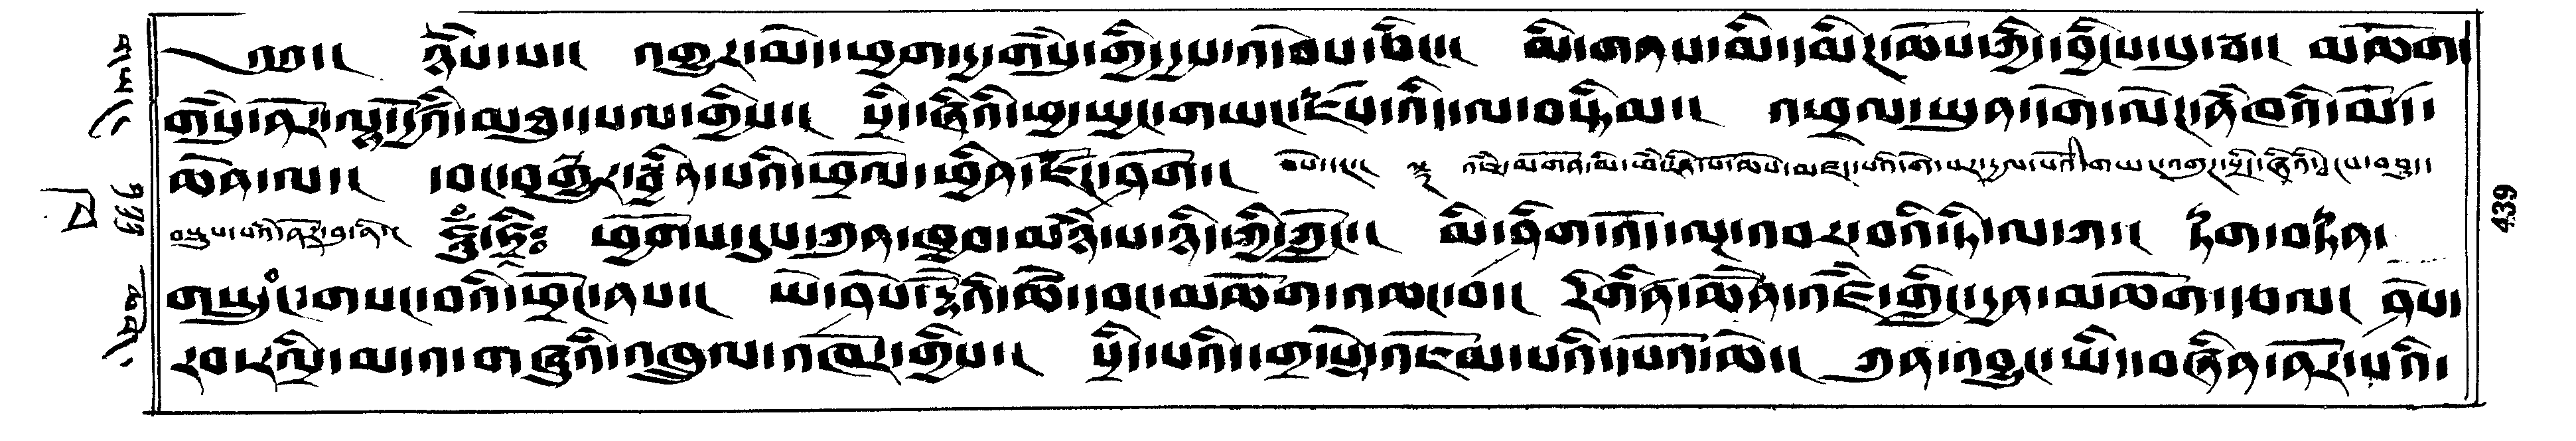ཉམས་པ། །འགྱུར་མེད་ཕྱག་རྒྱ་གསུམ་གྱི་རྒྱས་འདེབས་ཤིང་། །མི་གནས་མི་དམིགས་ཆོས་ཀྱི་དབྱིངས་སུ་སྦ། །མཆོག་
གསུམ་ནོར་ལྷ་རྒྱ་མཚོའི་མཐུ་དཔལ་གྱིས། །སྲིད་ཞིའི་ཕྱྭ་གཡང་གཡང་རྫས་འདི་ལ་བསྟིམ། །འཕྲལ་ཡུན་དགེ་ལེགས་ནམ་མཁའ་མཛོད་
ཆེན་ལ། །དབང་བསྒྱུར་སྦྱིན་པའི་ཕ་རོལ་ཕྱིན་རྫོགས་ཤོག ཅེས་དང་། ༈ འཇམ་མགོན་མི་ཕམ་རིན་པོ་ཆེས་མཛད་པའི་གེ་སར་རྒྱལ་པོའི་གཡང་འགུགས་སྲིད་ཞིའི་དྭངས་བཅུད་
བསྡུས་པའི་ནོར་བུ་ནི། ཧཱུྃ་ཧྲཱིཿ ཕྱོགས་དུས་ཀུན་ཁྱབ་མཉམ་པ་ཉིད་ཀྱི་ཀློང་། །མི་ཤིགས་འོད་ལྔ་འབར་བའི་ཏི་ལ་ཀ། །རྟག་བརྟན་
གཡུང་དྲུང་གསང་བའི་ཕོ་བྲང་ནས། །ཡེ་ཤེས་རྡོ་རྗེའི་ཚེ་དབང་མཆོག་འཆང་བ། །རིག་འཛིན་ཆེན་པོ་འཛམ་གླིང་རྒྱན་མཆོག་རྩལ། །ཤེས་
རབ་རལ་གྲིའི་མདའ་གཞུའི་འཁྲུལ་འཁོར་གྱིས། །སྲིད་པའི་དགྲ་སྡེ་འཇོམས་པའི་དཔའ་བོ་ཆེ། །ཀུན་འབྱུང་ཡིད་བཞིན་ནོར་བུའི་